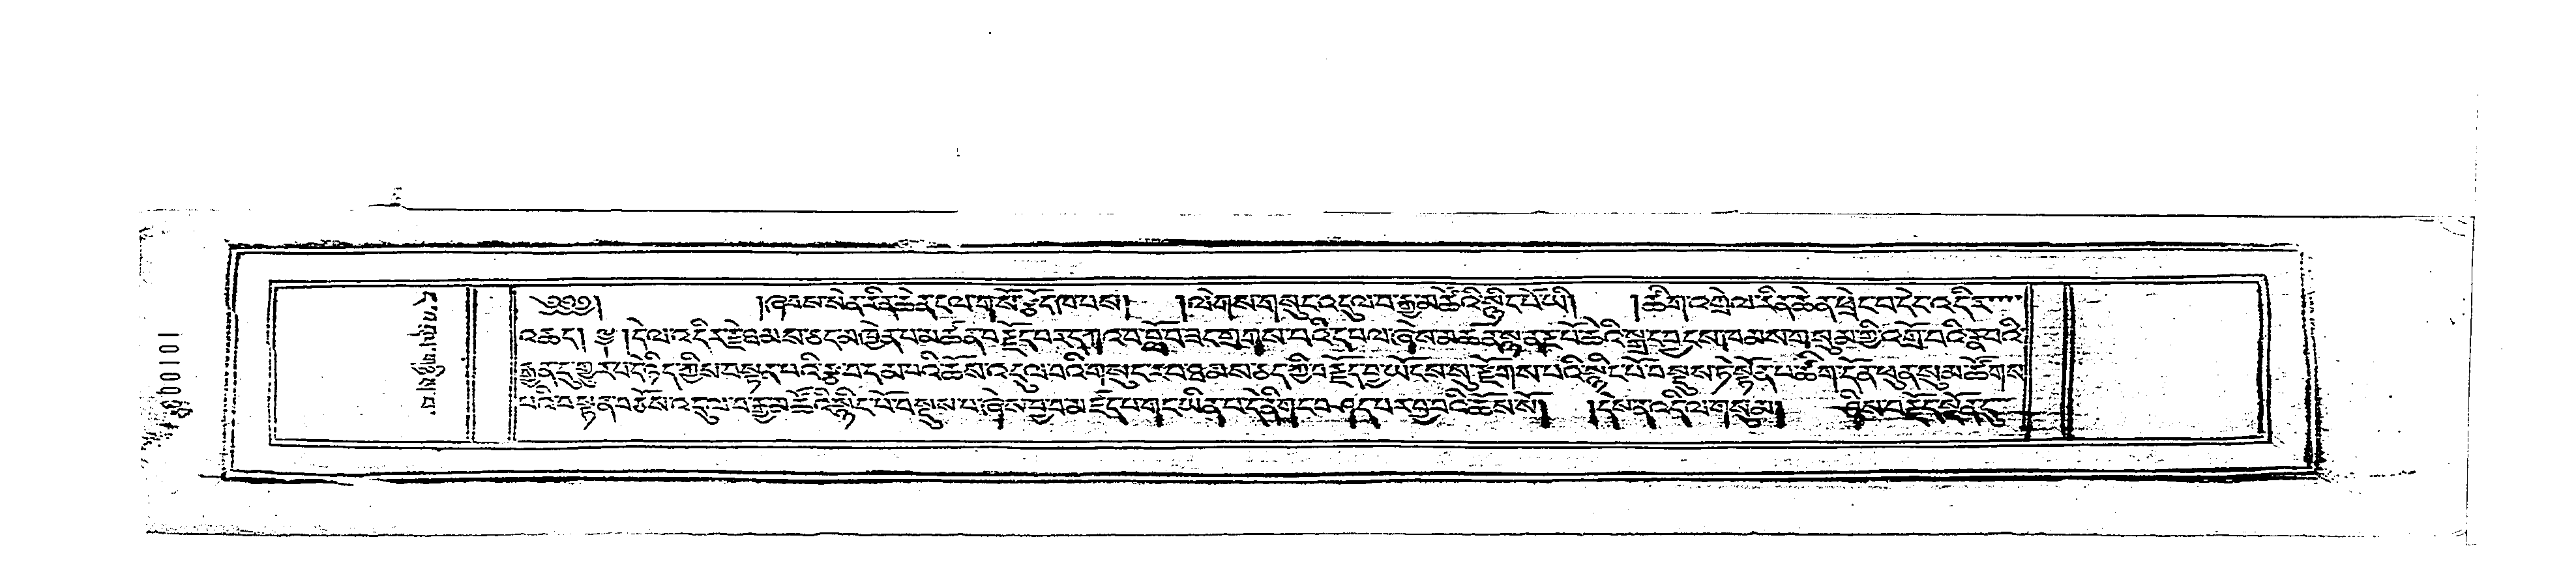༄༅༅། །ཞབས་སེན་རིན་ཆེན་ངལ་གསོ་ཙོང་ཁ་པས། །ལེགས་གསུང་འདུལ་བ་རྒྱ་མཚོའི་སྙིང་པོ་ཡི། །ཚིག་འགྲེལ་རིན་ཆེན་ཕྲེང་བ་དེང་འདིར་
འཆད། ༈ །དེ་ལ་འདིར་རྗེ་ཐམས་ཅད་མཁྱེན་པ་མཚན་བརྗོད་པར་དཀའ་བ་བློ་བཟང་གྲགས་པའི་དཔལ་ཞེས་མཚན་སྙན་རྔ་པོ་ཆེའི་སྒྲ་དབྱངས་ཁམས་གསུམ་གྱི་འགྲོ་བའི་རྣ་བའི་
རྒྱན་དུ་གྱུར་པ་དེ་ཉིད་ཀྱིས་བསྟན་པའི་རྩ་བ་དམ་པའི་ཆོས་འདུལ་བའི་གསུང་རབ་ཐམས་ཅད་ཀྱི་བརྗོད་བྱ་ཡོངས་སུ་རྫོགས་པའི་སྙིང་པོ་བསྡུས་ཏེ་སྟོན་པ་ཚིག་དོན་ཕུན་སུམ་ཚོགས་
པའི་བསྟན་བཅོས་འདུལ་བ་རྒྱ་མཚོའི་སྙིང་པོ་བསྡུས་པ་ཞེས་བྱ་བ་མཛད་པ་གང་ཡིན་པ་དེ་ནི་གང་བཤད་པར་བྱ་བའི་ཆོས་སོ། །དེས་ན་འདི་ལ་གསུམ། ཤིས་བརྗོད་སྔོན་དུ་